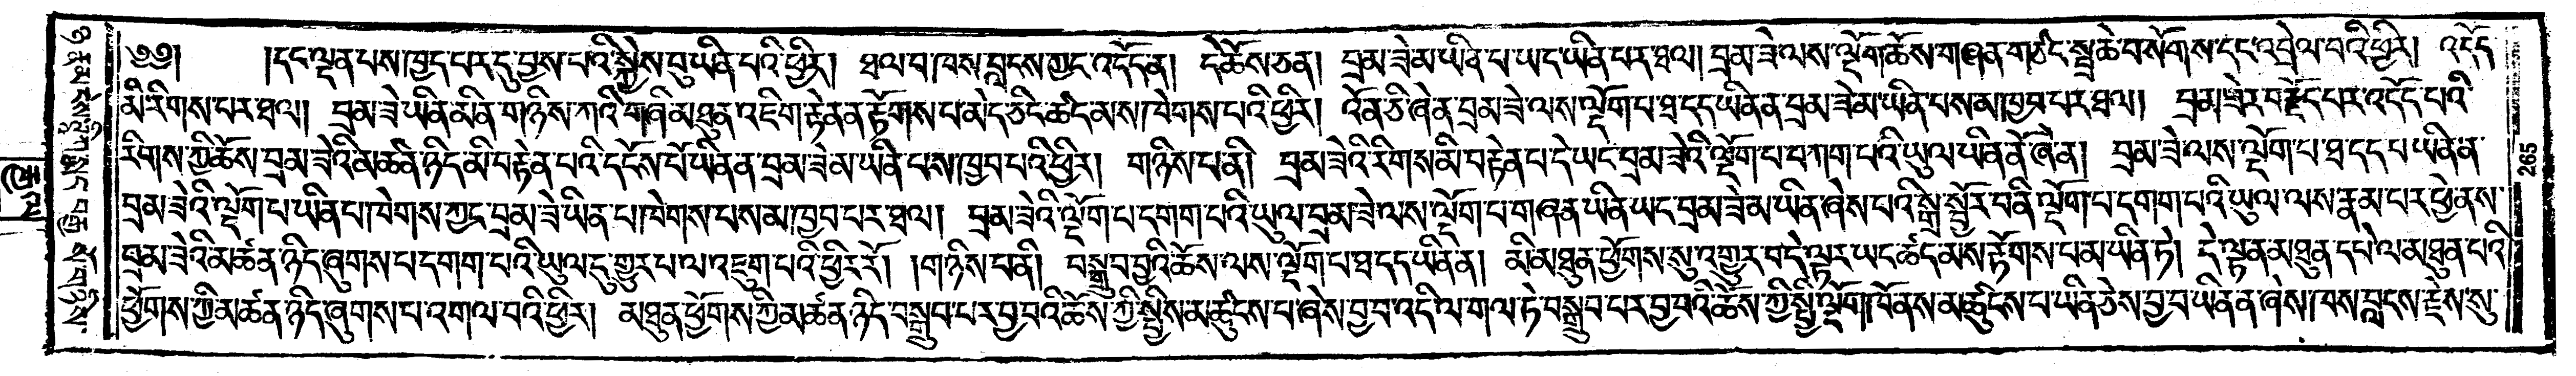༄༅། །དང་ལྡན་པས་ཁྱད་པར་དུ་བྱས་པའི་སྐྱེས་བུ་ཡིན་པའི་ཕྱིར། ཐལ་བ་ཁས་བླངས་ཀྱང་འདོད་ན། དེ་ཆོས་ཅན། བྲམ་ཟེ་མ་ཡིན་པ་ཡང་ཡིན་པར་ཐལ། བྲམ་ཟེ་ལས་ལྡོག་ཆོས་གཞན་གཙང་སྦྲ་ཆེ་བ་སོགས་དང་འབྲེལ་བའི་ཕྱིར། འདོད་
མི་རིགས་པར་ཐལ། བྲམ་ཟེ་ཡིན་མིན་གཉིས་ཀའི་གཞི་མཐུན་འཇིག་རྟེན་ན་རྟོགས་པ་མེད་ཅིང་ཚད་མས་ཁེགས་པའི་ཕྱིར། འོ་ན་ཅི་ཞེ་ན་བྲམ་ཟེ་ལས་ལྡོག་པ་ཐ་དད་ཡིན་ན་བྲམ་ཟེ་མ་ཡིན་པས་མ་ཁྱབ་པར་ཐལ། བྲམ་ཟེར་བརྗོད་པར་འདོད་པའི་
རིགས་ཀྱི་ཆོས་བྲམ་ཟེའི་མཚན་ཉིད་མི་བརྟེན་པའི་དངོས་པོ་ཡིན་ན་བྲམ་ཟེ་མ་ཡིན་པས་ཁྱབ་པའི་ཕྱིར། གཉིས་པ་ནི། བྲམ་ཟེའི་རིགས་མི་བརྟེན་པ་དེ་ཡང་བྲམ་ཟེའི་ལྡོག་པ་བཀག་པའི་ཡུལ་ཡིན་ནོ་ཞེ་ན། བྲམ་ཟེ་ལས་ལྡོག་པ་ཐ་དད་པ་ཡིན་ན་
བྲམ་ཟེའི་ལྡོག་པ་ཡིན་པ་ཁེགས་ཀྱང་བྲམ་ཟེ་ཡིན་པ་ཁེགས་པས་མ་ཁྱབ་པར་ཐལ། བྲམ་ཟེའི་ལྡོག་པ་དགག་པའི་ཡུལ་བྲམ་ཟེ་ལས་ལྡོག་པ་གཞན་ཡིན་ཡང་བྲམ་ཟེ་མ་ཡིན་ཞེས་པའི་སྒྲ་སྦྱོར་བ་ནི་ལྡོག་པ་དགག་པའི་ཡུལ་ལས་རྣམ་པར་ཕྱེ་ནས་
བྲམ་ཟེའི་མཚན་ཉིད་ཞུགས་པ་དགག་པའི་ཡུལ་དུ་གྱུར་པ་ལ་འཇུག་པའི་ཕྱིར་རོ། །གཉིས་པ་ནི། བསྒྲུབ་བྱའི་ཆོས་ལས་ལྡོག་པ་ཐ་དད་ཡིན་ན། མི་མཐུན་ཕྱོགས་སུ་འགྱུར་བ་དེ་ལྟར་ཡང་ཚད་མས་རྟོགས་པ་མ་ཡིན་ཏེ། དེ་ལྟ་ན་མཐུན་དཔེ་ལ་མཐུན་པའི་
ཕྱོགས་ཀྱི་མཚན་ཉིད་ཞུགས་པ་འགལ་བའི་ཕྱིར། མཐུན་ཕྱོགས་ཀྱི་མཚན་ཉིད་བསྒྲུབ་པར་བྱ་བའི་ཆོས་ཀྱི་སྤྱིས་མཚུངས་པ་ཞེས་བྱ་བ་འདི་ལ་གལ་ཏེ་བསྒྲུབ་པར་བྱ་བའི་ཆོས་ཀྱི་སྤྱི་ལྡོག་ཁོ་ནས་མཚུངས་པ་ཡིན་ཅེས་བྱ་བ་ཡིན་ན་ཞེས་ཁས་བླངས་རྗེས་སུ་